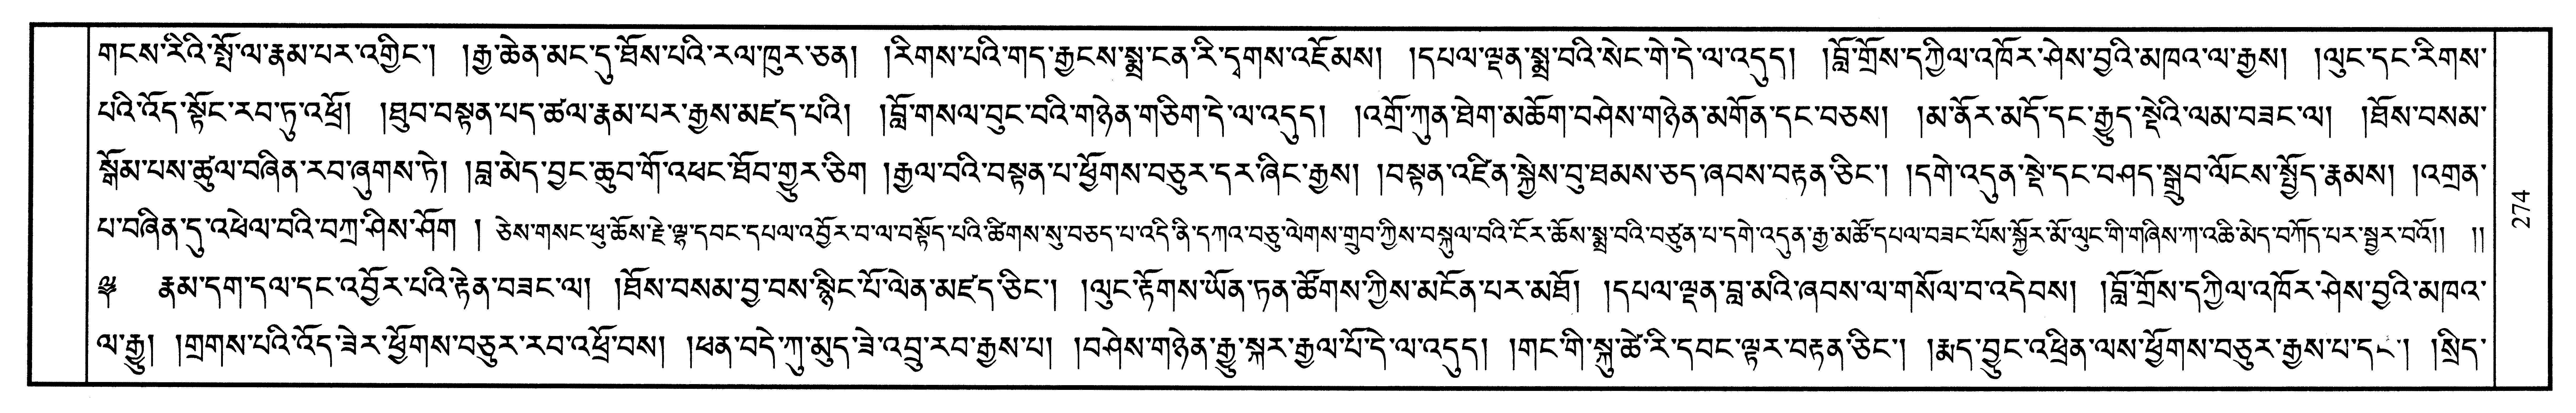གངས་རིའི་སྤོ་ལ་རྣམ་པར་འགྱིང་། །རྒྱ་ཆེན་མང་དུ་ཐོས་པའི་རལ་ཁུར་ཅན། །རིགས་པའི་གད་རྒྱངས་སྨྲ་ངན་རི་དྭགས་འཇོམས། །དཔལ་ལྡན་སྨྲ་བའི་སེང་གེ་དེ་ལ་འདུད། །བློ་གྲོས་དཀྱིལ་འཁོར་ཤེས་བྱའི་མཁའ་ལ་རྒྱས། །ལུང་དང་རིགས་
པའི་འོད་སྟོང་རབ་ཏུ་འཕྲོ། །ཐུབ་བསྟན་པད་ཚལ་རྣམ་པར་རྒྱས་མཛད་པའི། །བློ་གསལ་བུང་བའི་གཉེན་གཅིག་དེ་ལ་འདུད། །འགྲོ་ཀུན་ཐེག་མཆོག་བཤེས་གཉེན་མགོན་དང་བཅས། །མ་ནོར་མདོ་དང་རྒྱུད་སྡེའི་ལམ་བཟང་ལ། །ཐོས་བསམ་
སྒོམ་པས་ཚུལ་བཞིན་རབ་ཞུགས་ཏེ། །བླ་མེད་བྱང་ཆུབ་གོ་འཕང་ཐོབ་གྱུར་ཅིག །རྒྱལ་བའི་བསྟན་པ་ཕྱོགས་བཅུར་དར་ཞིང་རྒྱས། །བསྟན་འཛིན་སྐྱེས་བུ་ཐམས་ཅད་ཞབས་བརྟན་ཅིང་། །དགེ་འདུན་སྡེ་དང་བཤད་སྒྲུབ་ལོངས་སྤྱོད་རྣམས། །འགྲན་
པ་བཞིན་དུ་འཕེལ་བའི་བཀྲ་ཤིས་ཤོག །ཅེས་གསང་ཕུ་ཆོས་རྗེ་ལྷ་དབང་དཔལ་འབྱོར་བ་ལ་བསྟོད་པའི་ཚིགས་སུ་བཅད་པ་འདི་ནི་དཀའ་བཅུ་ལེགས་གྲུབ་ཀྱིས་བསྐུལ་བའི་ངོར་ཆོས་སྨྲ་བའི་བཙུན་པ་དགེ་འདུན་རྒྱ་མཚོ་དཔལ་བཟང་པོས་སྐྱོར་མོ་ལུང་གི་གཞིས་ཀ་འཆི་མེད་བཀོད་པར་སྦྱར་བའོ།། །།
༈ རྣམ་དག་དལ་དང་འབྱོར་པའི་རྟེན་བཟང་ལ། །ཐོས་བསམ་བྱ་བས་སྙིང་པོ་ལེན་མཛད་ཅིང་། །ལུང་རྟོགས་ཡོན་ཏན་ཚོགས་ཀྱིས་མངོན་པར་མཐོ། །དཔལ་ལྡན་བླ་མའི་ཞབས་ལ་གསོལ་བ་འདེབས། །བློ་གྲོས་དཀྱིལ་འཁོར་ཤེས་བྱའི་མཁའ་
ལ་རྒྱུ། །གྲགས་པའི་འོད་ཟེར་ཕྱོགས་བཅུར་རབ་འཕྲོ་བས། །ཕན་བདེ་ཀུ་མུད་ཟེ་འབྲུ་རབ་རྒྱས་པ། །བཤེས་གཉེན་རྒྱུ་སྐར་རྒྱལ་པོ་དེ་ལ་འདུད། །གང་གི་སྐུ་ཚེ་རི་དབང་ལྟར་བརྟན་ཅིང་། །རྨད་བྱུང་འཕྲིན་ལས་ཕྱོགས་བཅུར་རྒྱས་པ་དང་། །སྲིད་